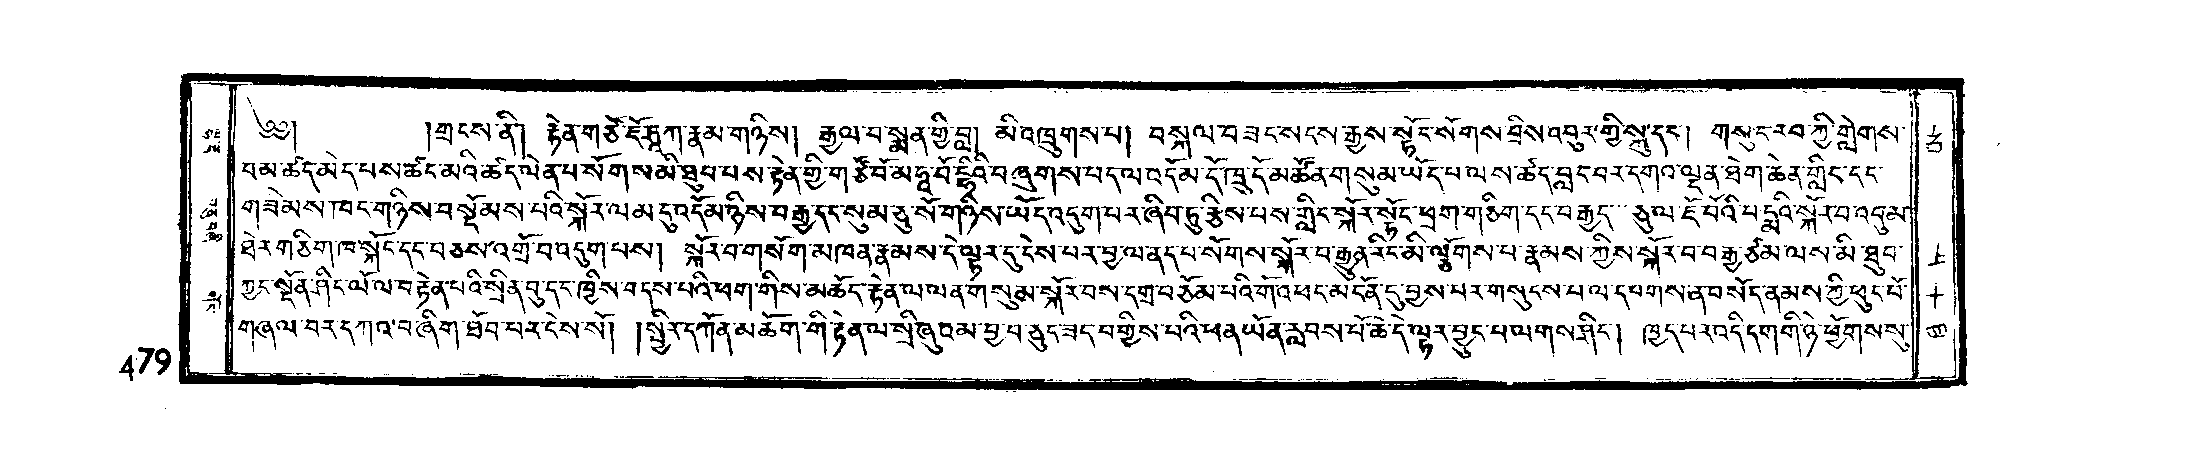༄༅། །གྲངས་ནི། རྟེན་གཙོ་ཇོ་ཤཱཀ་རྣམ་གཉིས། རྒྱལ་བ་སྨན་གྱི་བླ། མི་འཁྲུགས་པ། བསྐལ་བཟང་སངས་རྒྱས་སྟོང་སོགས་བྲིས་འབུར་གྱི་སྐུ་དང་། གསུང་རབ་ཀྱི་གླེགས་
བམ་ཚད་མེད་པས་ཚང་མའི་ཚད་ལེན་པ་སོགས་མི་ཐུབ་པས་རྟེན་གྱི་གཙོ་བོ་མཧཱ་བོ་དྷིའི་བཞུགས་པད་ལ་འདོམ་དོ་ཁྲུ་དོ་མཚོན་གསུམ་ཡོད་པ་ལས་ཚད་བླང་བར་དགའ་ལྡན་ཐེག་ཆེན་གླིང་དང་
གཟེམས་ཁང་གཉིས་བསྡོམས་པའི་སྐོར་ལམ་དུ་འདོམ་ཉིས་བརྒྱ་དང་སུམ་ཅུ་སོ་གཉིས་ཡོད་འདུག་པར་ཞིབ་ཏུ་རྩིས་པས་གླིང་སྐོར་སྟོང་ཕྲག་གཅིག་དང་བརྒྱད་ཅུ་ལ་ཇོ་བོའི་པདམའི་སྐོར་བ་འབུམ་
ཐེར་གཅིག་ཁ་སྐོང་དང་བཅས་འགྲོ་བ་འདུག་པས། སྐོར་བ་གསོག་མཁན་རྣམས་དེ་ལྟར་དུ་ངེས་པར་བྱ་ལ་ནད་པ་སོགས་སྐོར་བ་རྒྱུན་རིང་མི་ལྕོགས་པ་རྣམས་ཀྱིས་སྐོར་བ་བརྒྱ་ཙམ་ལས་མི་ཐུབ་
ཀྱང་སྔོན་ཤིང་ལོ་ལ་བརྟེན་པའི་སྲིན་བུ་དང་ཁྱིས་འདས་པའི་ཕག་གིས་མཆོད་རྟེན་ལ་ལན་གསུམ་སྐོར་བས་དགྲ་བཅོམ་པའི་གོ་འཕང་མངོན་དུ་བྱས་པར་གསུངས་པ་ལ་དཔགས་ན་བསོད་ནམས་ཀྱི་ཕུང་པོ་
གཞལ་བར་དཀའ་བ་ཞིག་ཐོབ་པར་ངེས་སོ། །སྤྱིར་དཀོན་མཆོག་གི་རྟེན་ལ་སྲི་ཞུ་འམ་བྱ་བ་ཅུང་ཟད་བགྱིས་པའི་ཕན་ཡོན་རླབས་པོ་ཆེ་དེ་ལྟར་བྱུང་བ་ལགས་ཤིང་། ཁྱད་པར་འདི་དག་གི་ཉེ་ཕྱོགས་སུ་